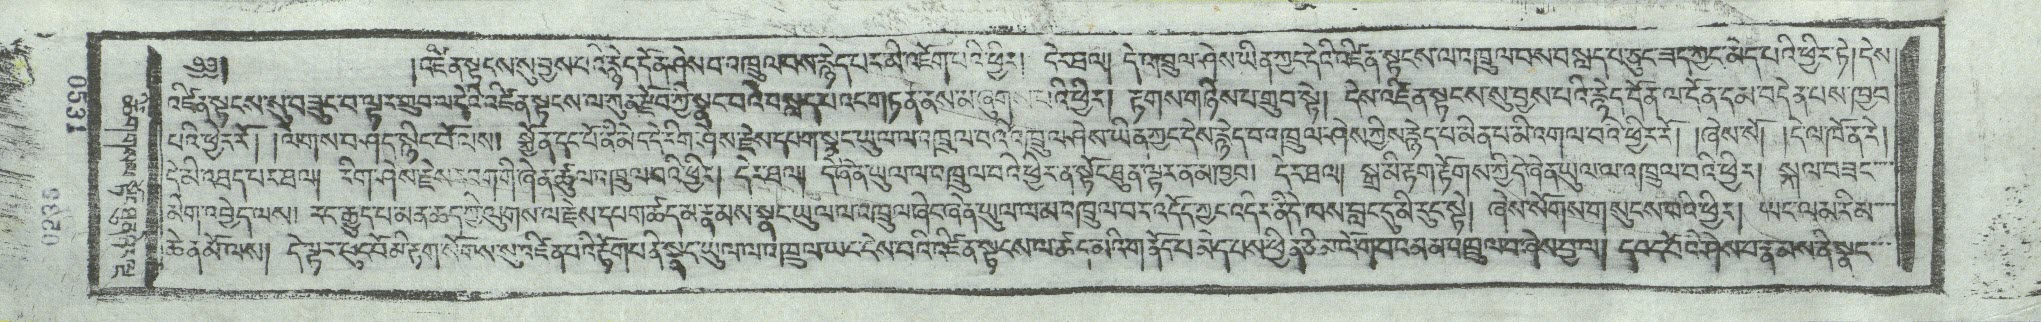༄༅། །འཛིན་སྟངས་སུ་བྱས་པའི་རྙེད་དོན་ཤེས་པ་འཁྲུལ་པས་རྙེད་པར་མི་འཇོག་པའི་ཕྱིར། དེར་ཐལ། དེ་འཁྲུལ་ཤེས་ཡིན་ཀྱང་དེའི་འཛིན་སྟངས་ལ་འཁྲུལ་བས་བསླད་པ་ཅུང་ཟད་ཀྱང་མེད་པའི་ཕྱིར་ཏེ། དེས་
འཛིན་སྟངས་སུ་བཟུང་བ་ལྟར་གྲུབ་ལ་དེའི་འཛིན་སྟངས་ལ་ཀུན་རྫོབ་ཀྱི་སྣང་བའི་བསླད་པའང་གཏན་ནས་མ་ཞུགས་པའི་ཕྱིར། རྟགས་གཉིས་པ་གྲུབ་སྟེ། དེས་འཛིན་སྟངས་སུ་བྱས་པའི་རྙེད་དོན་ལ་དོན་དམ་བདེན་པས་ཁྱབ་
པའི་ཕྱིར་རོ། །ལེགས་བཤད་སྙིང་པོ་ལས། སྐྱོན་དང་པོ་ནི་མེད་དེ་རིག་ཤེས་རྗེས་དཔག་སྣང་ཡུལ་ལ་འཁྲུལ་པའི་འཁྲུལ་ཤེས་ཡིན་ཀྱང་དེས་རྙེད་པ་འཁྲུལ་ཤེས་ཀྱིས་རྙེད་པ་མིན་པ་མི་འགལ་བའི་ཕྱིར་རོ། །ཞེས་སོ། །དེ་ལ་ཁོ་ན་རེ།
དེ་མི་འཐད་པར་ཐལ། རིག་ཤེས་རྗེས་དཔག་གི་ཞེན་ཚུལ་འཁྲུལ་བའི་ཕྱིར། དེར་ཐལ། དེ་ཞེན་ཡུལ་ལ་འཁྲུལ་བའི་ཕྱིར་ན་སྟོང་ཐུན་ལྟར་ན་མ་ཁྱབ། དེར་ཐལ། སྒྲ་མི་རྟག་རྟོགས་ཀྱི་དེ་ཞེན་ཡུལ་ལ་འཁྲུལ་བའི་ཕྱིར། སྐལ་བཟང་
མིག་འབྱེད་ལས། རང་རྒྱུད་པ་མན་ཆད་ཀྱི་ལུགས་ལ་རྗེས་དཔག་ཚད་མ་རྣམས་སྣང་ཡུལ་ལ་འཁྲུལ་ཞིང་ཞེན་ཡུལ་ལ་མ་འཁྲུལ་བར་འདོད་ཀྱང་འདིར་ནི་དེ་ཁས་བླང་དུ་མི་རུང་སྟེ། ཞེས་སོགས་གསུངས་པའི་ཕྱིར། ཡང་ལམ་རིམ་
ཆེན་མོ་ལས། དེ་ལྟར་ཕུང་པོ་མི་རྟག་སོགས་སུ་འཛིན་པའི་རྟོག་པ་ནི་སྣང་ཡུལ་ལ་འཁྲུལ་ཡང་ངེས་པའི་འཛིན་སྟངས་ལ་ཚད་མའི་གནོད་པ་མེད་པས་ཕྱིན་ཅི་མ་ལོག་པའམ་མ་འཁྲུལ་བ་ཞེས་བྱ་ལ། དབང་པོའི་ཤེས་པ་རྣམས་ནི་སྣང་